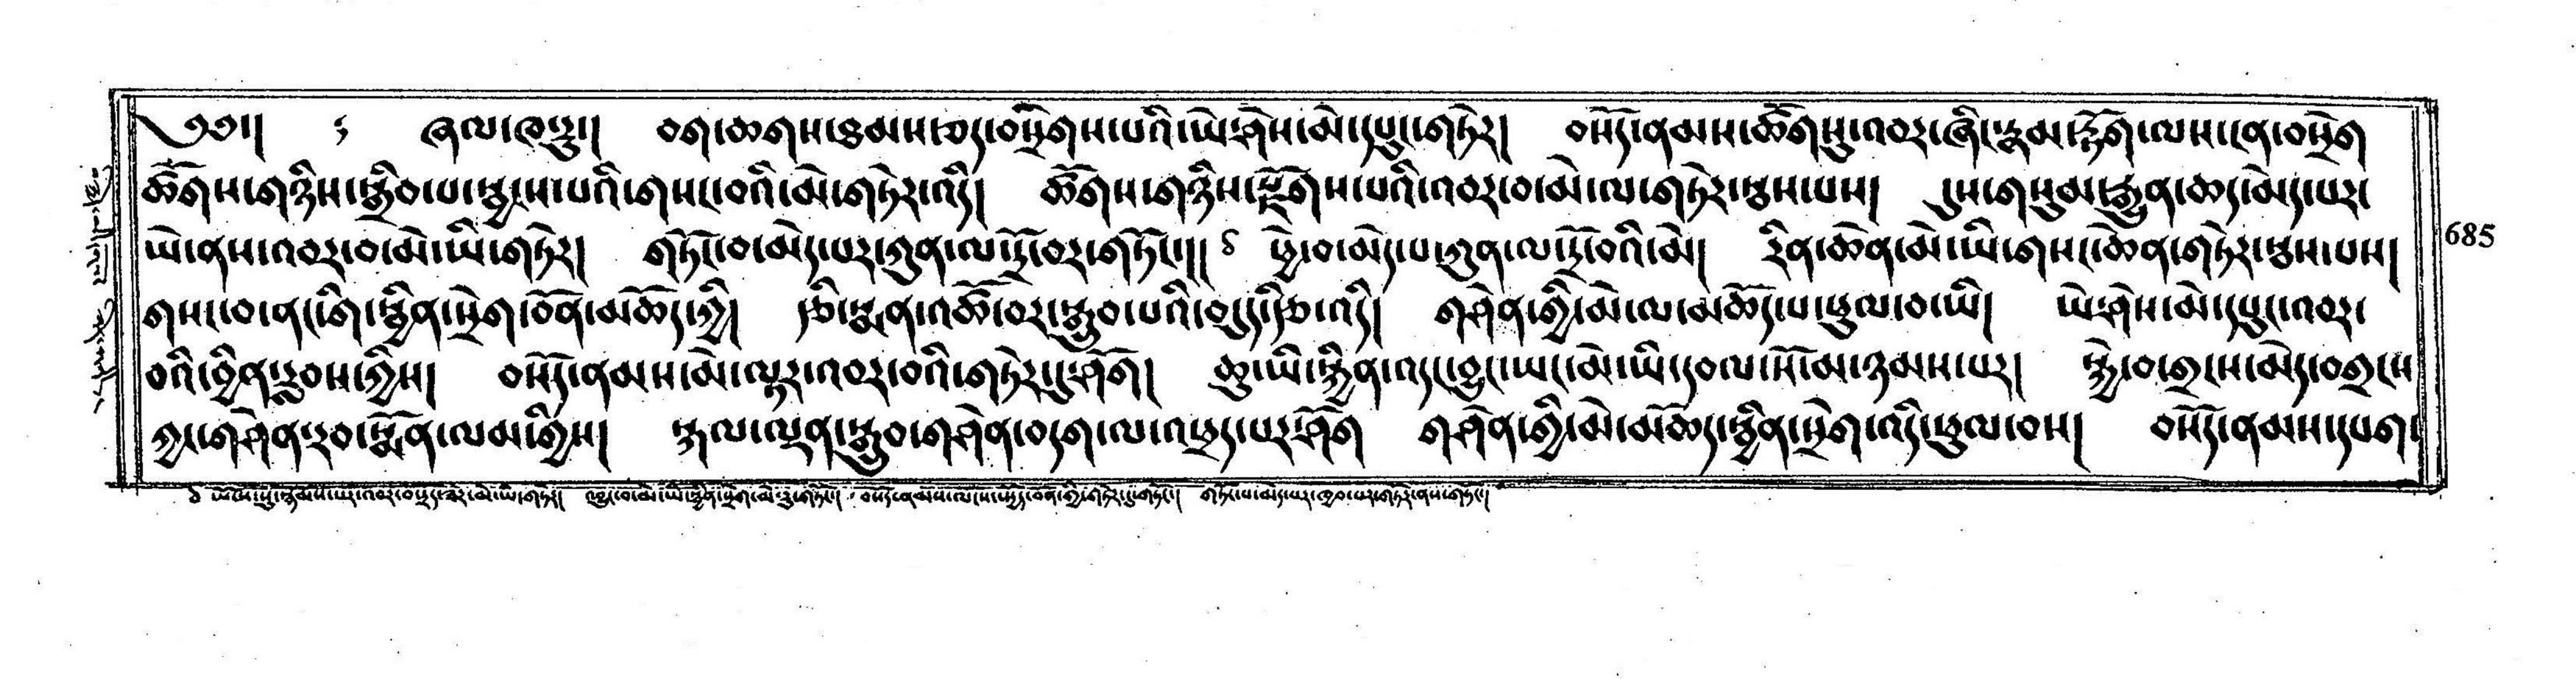ཞལ་ཁ་རུ། བག་ཆགས་ཐམས་ཅད་བསྲེགས་པའི་ཡེ་ཤེས་མེ་དཔུང་གཏེར། བསོད་ནམས་ཚོགས་སུ་འབར་ཞིང་རྣམ་རྟོག་ལས་ངན་བསྲེག 
ཚོགས་གཉིས་སྒྲིབ་པ་སྦྱངས་པའི་གསང་བའི་མེ་གཏེར་འདི། ཚོགས་གཉིས་རྫོགས་པའི་འབར་བ་མེ་ལ་གཏེར་སྦས་པས། དུས་གསུམ་རྒྱུན་ཆད་མེད་པར་
ཡེ་ནས་འབར་བ་མེ་ཡི་གཏེར། གཏོང་བ་མེད་པར་ཀུན་ལ་དྲོ་བར་གཏོང་།། ཡོངས་སུ་སྙོམས་པར་འབར་བ་དྲོད་ཟེར་མེ་ཡི་གཏེར། འབྱུང་བ་མེ་ཡི་སྦྱིན་སྲེག་མེ་རུ་གཏོང་། བསོད་ནམས་ལོངས་སྤྱོད་བོན་གྱི་གཏེར་དུ་གཏོང་། གཏོང་པ་མེད་པར་ཁྱབ་པ་གཏོར་ནས་གཏོང་། ཕྱེ་བ་མེད་པ་ཀུན་ལ་དྲོ་བའི་མེ། རིན་ཆེན་མེ་ཡི་གསང་ཆེན་གཏེར་སྦས་པས། 
གསང་བ་ནང་གི་སྦྱིན་སྲེག་བོན་མཆོད་ཀྱི། རྩི་སྨན་འཚོ་བར་སྒྲུབ་པའི་བདུད་རྩི་འདི། གཤེན་གྱི་མེ་ལ་མཆོད་པ་ཕུལ་བ་ཡི། ཡེ་ཤེས་མེ་དཔུང་འབར་
བའི་བྱིན་རླབས་ཀྱིས། བསོད་ནམས་མེ་ལྟར་འབར་བའི་གཏེར་དུ་ཤོག ཆུ་ཡི་སྐྱིན་འདང་བྱུང་ཡང་མེ་ཡི་དབལ་སོ་མ་ཉམས་པར། སྐྱེ་བ་གྲངས་མེད་བགྲངས་
ཀྱང་གཤེན་རབ་སྨོན་ལམ་གྱིས། སྐལ་ལྡན་སྒྲུབ་གཤེན་བདག་ལ་འཕྲད་པར་ཤོག གཤེན་གྱི་མེ་མཆོད་སྦྱིན་སྲེག་འདི་ཕུལ་བས། བསོད་ནམས་དཔག་